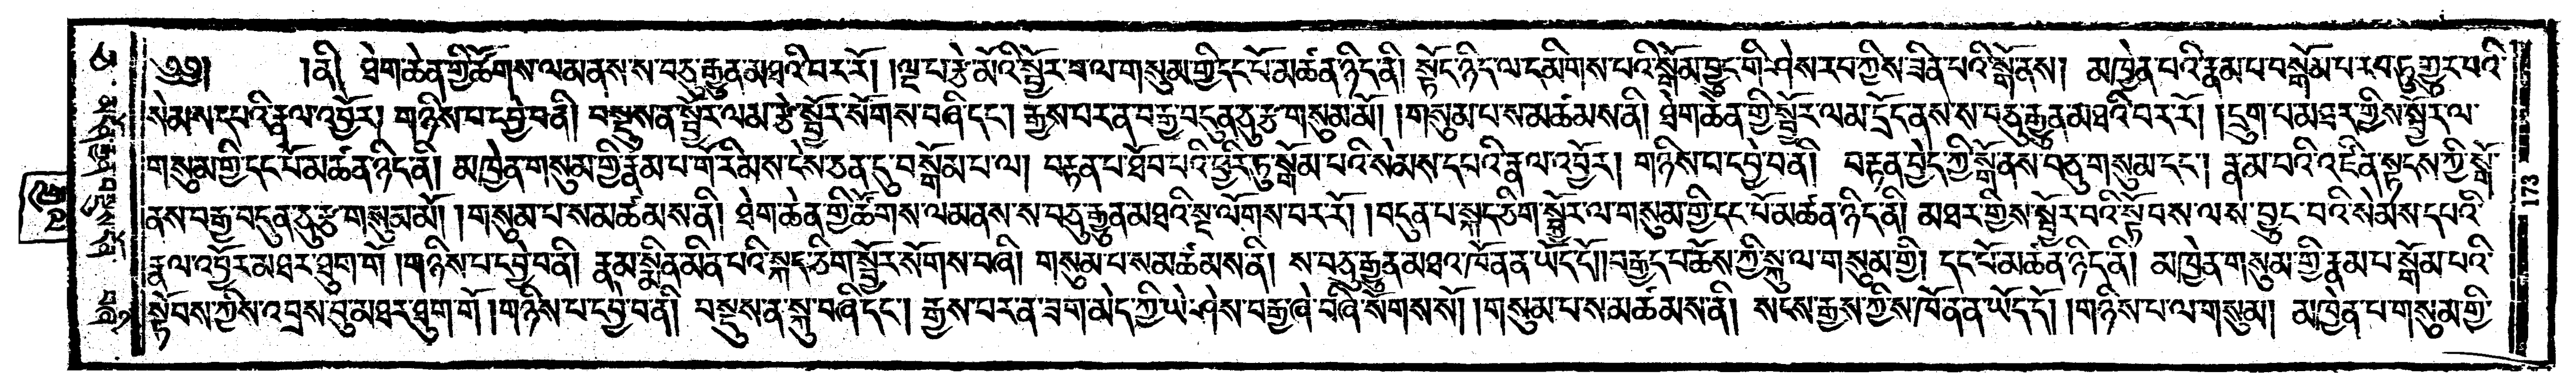༄༅། །ནི། ཐེག་ཆེན་གྱི་ཚོགས་ལམ་ནས་ས་བཅུ་རྒྱུན་མཐའི་བར་རོ། །ལྔ་པ་རྩེ་མོའི་སྦྱོར་བ་ལ་གསུམ་གྱི་དང་པོ་མཚན་ཉིད་ནི། སྟོང་ཉིད་ལ་དམིགས་པའི་སྒོམ་བྱུང་གི་ཤེས་རབ་ཀྱིས་ཟིན་པའི་སྒོ་ནས། མཁྱེན་པའི་རྣམ་པ་བསྒོམ་པ་རབ་ཏུ་གྱུར་པའི་
སེམས་དཔའི་རྣལ་འབྱོར། གཉིས་པ་དབྱེ་བ་ནི། བསྡུས་ན་སྦྱོར་ལམ་རྩེ་སྦྱོར་སོགས་བཞི་དང་། རྒྱས་པར་ན་བརྒྱ་བདུན་ཅུ་རྩ་གསུམ་མོ། །གསུམ་པ་ས་མཚམས་ནི། ཐེག་ཆེན་གྱི་སྦྱོར་ལམ་དྲོད་ནས་ས་བཅུ་རྒྱུན་མཐའི་བར་རོ། །དྲུག་པ་མཐར་གྱིས་སྦྱོར་ལ་
གསུམ་གྱི་དང་པོ་མཚན་ཉིད་ནི། མཁྱེན་གསུམ་གྱི་རྣམ་པ་གོ་རིམས་ངེས་ཅན་དུ་བསྒོམ་པ་ལ། བརྟན་པ་ཐོབ་པའི་ཕྱིར་ཏུ་སྒོམ་པའི་སེམས་དཔའི་རྣལ་འབྱོར། གཉིས་པ་དབྱེ་བ་ནི། བརྟན་བྱེད་ཀྱི་སྒོ་ནས་བཅུ་གསུམ་དང་། རྣམ་པའི་འཛིན་སྟངས་ཀྱི་སྒོ་
ནས་བརྒྱ་བདུན་ཅུ་རྩ་གསུམ་མོ། །གསུམ་པ་ས་མཚམས་ནི། ཐེག་ཆེན་གྱི་ཚོགས་ལམ་ནས་ས་བཅུ་རྒྱུན་མཐའི་སྔ་ལོགས་བར་རོ། །བདུན་པ་སྐད་ཅིག་སྦྱོར་ལ་གསུམ་གྱི་དང་པོ་མཚན་ཉིད་ནི། མཐར་གྱིས་སྦྱོར་བའི་སྟོབས་ལས་བྱུང་བའི་སེམས་དཔའི་
རྣལ་འབྱོར་མཐར་ཐུག་གོ །གཉིས་པ་དབྱེ་བ་ནི། རྣམ་སྨིན་མིན་པའི་སྐད་ཅིག་སྦྱོར་སོགས་བཞི། གསུམ་པ་ས་མཚམས་ནི། ས་བཅུ་རྒྱུན་མཐའ་ཁོ་ན་ན་ཡོད་དོ། །བརྒྱད་པ་ཆོས་ཀྱི་སྐུ་ལ་གསུམ་གྱི། དང་པོ་མཚན་ཉིད་ནི། མཁྱེན་གསུམ་གྱི་རྣམ་པ་སྒོམ་པའི་
སྟོབས་ཀྱིས་འབྲས་བུ་མཐར་ཐུག་གོ །གཉིས་པ་དབྱེ་བ་ནི། བསྡུས་ན་སྐུ་བཞི་དང་། རྒྱས་པར་ན་ཟག་མེད་ཀྱི་ཡེ་ཤེས་བརྒྱ་ཞེ་བཞི་སོགས་སོ། །གསུམ་པ་ས་མཚམས་ནི། སངས་རྒྱས་ཀྱི་ས་ཁོ་ན་ན་ཡོད་དོ། །གཉིས་པ་ལ་གསུམ། མཁྱེན་པ་གསུམ་གྱི་